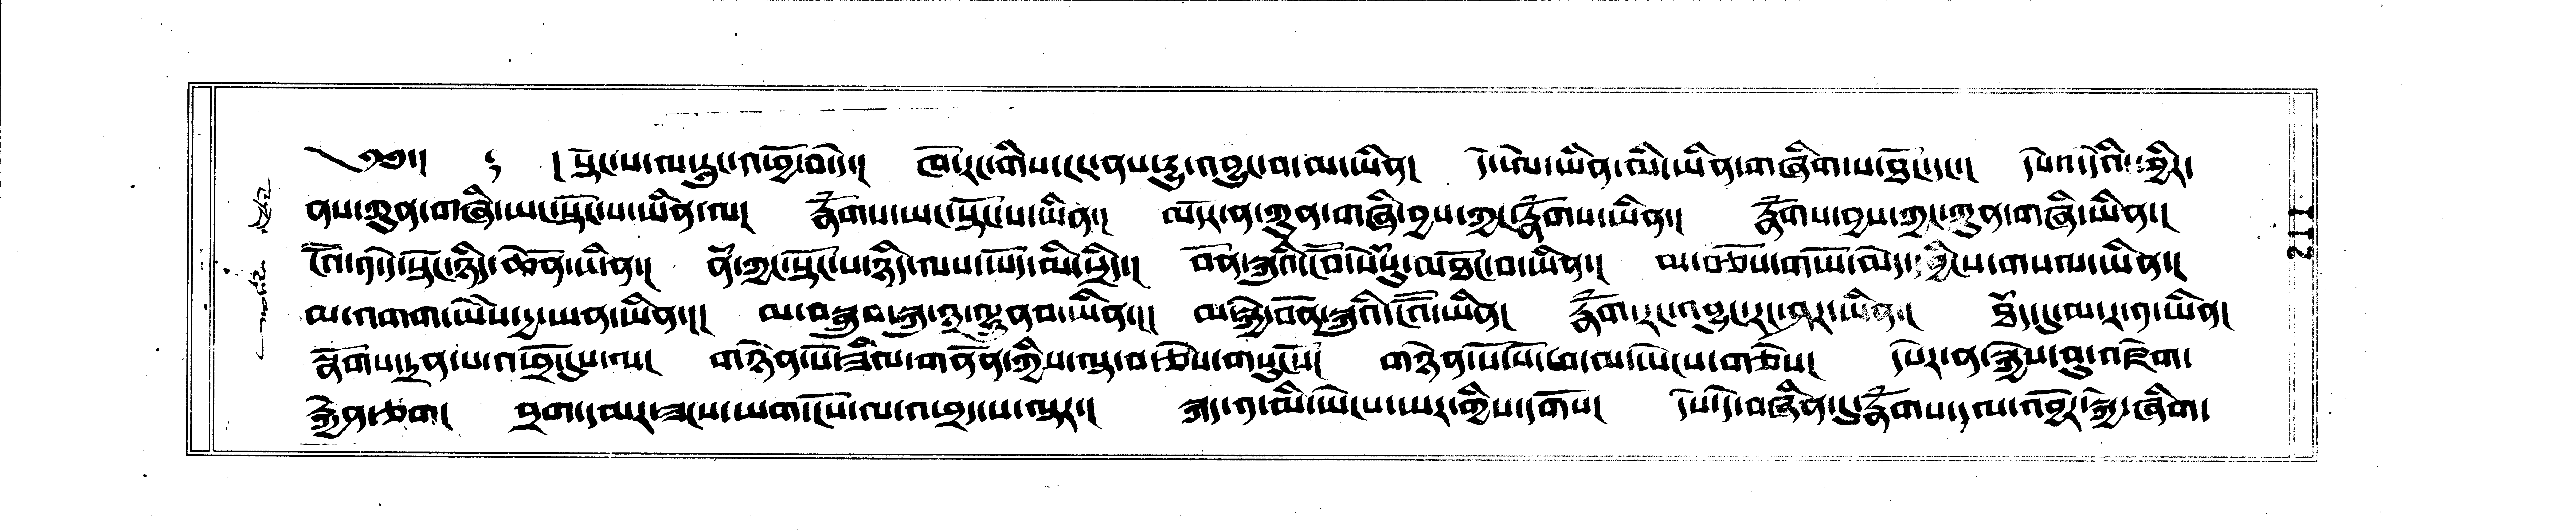ལ་རླུང་འཕྱོ་བ་དེ། ཁོ་རང་གི་ངང་ནས་སྟོང་བ་བྱུང་བ་ནི། ནམ་མཁའ་དེའི་སྟོང་པ་ལ། རླུང་པོ་དེ་ནི་དངོས་བཅས་ཅན་ཞིག་མ་ཡིན། དང་པོ་འབྱུང་ཡང་སྟོང་པའི་ངང་ནས་འབྱུང་། ཞི་ཡང་སྟོང་པའི་ངང་དུ་ཞི་བ་ཡིན། དེ་ཨི་ཡིན་མི་ཡིན་གཞིག་པ་ཐོང་དང་། དཔེ་དེའི་ཕྱིར་
ན། ཀུན་གཞི་ཡང་སྟོང་པ་ཡིན། རྣམ་རྟོག་ཀྱང་སྟོང་པ་ཡིན། མདོར་ན་ཀུན་གཞི་བྱས་ཀྱང་རྣམ་རྟོག་ཡིན། རྣམ་རྟོག་བྱས་ཀྱང་ཀུན་གཞི་ཡིན། 
ངོའོ་གཅིག་སྟེ་སྟོང་ཉིད་ཆེན་པོ་ཡིན། ནམ་ཀྱང་༼ཡང་༽སྟོང་པ་འདི་ལས་ཡོད་མི་སྲིད། བོན་སྐུའི་ངོའོ་སེམས་སུ་མཐོང་པ་ཡིན། མ་བཅོས་གཡོ་མེད་དབྱིངས་གསལ་ཡིན།
 མ་འགགས་ཡེ་ཤེས་རྒྱ་ཡན་ཡིན། མ་བསྒྲུབ་སྐུ་གསུམ་ལྷུན་གྲུབ་ཡིན། མ་སྐྱེས་བོན་སྐུའི་ངོའོ་ཡིན། རྣམ་རྟོག་རང་འབྱུང་རང་ཤར་ཡིན། ཐམས་ཅད་དུ་མ་རོ་ཅིག་ཡིན། 
སྣ་ཚོགས་དྲན་པ་འཕྲོ་དུས་ལ། བསྙེན་པོ་ཟིན་གནོན་གྱིས་ལྟ་བ་གཅེས། གཉེན་པོ་སོ་པ་མི་ཡེང་གཅེས། དཔེར་ན་སྐྱེས་བུ་འཛག་”འཛེག”
སྐྱོན་རྐྱེན་ཅིག བྲག་དམར་ཟངས་ཡག་ངོས་ལ་འཕྲད་པ་ལྟར། སྐད་ཅིག་མི་ཡེང་ཡར་གྱིས་དོག དཔེ་དེ་བཞིན་དུ། རྣམ་རྟོག་རྡུལ་སྐྱེས་ཕྲ་ཞིག་༼ཞིབ༽པ་འགགས་